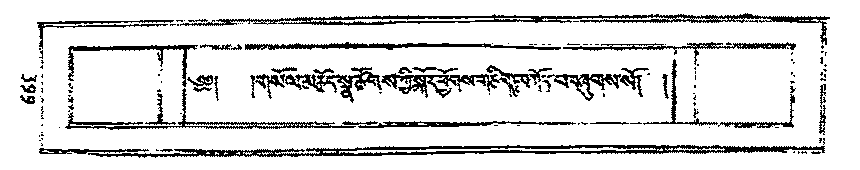༄༅། །གསོལ་མཆོད་སྣ་ཚོགས་ཀྱི་སྐོར་ཕྱོགས་གཅིག་ཏུ་བཀོད་པ་བཞུགས་སོ། །